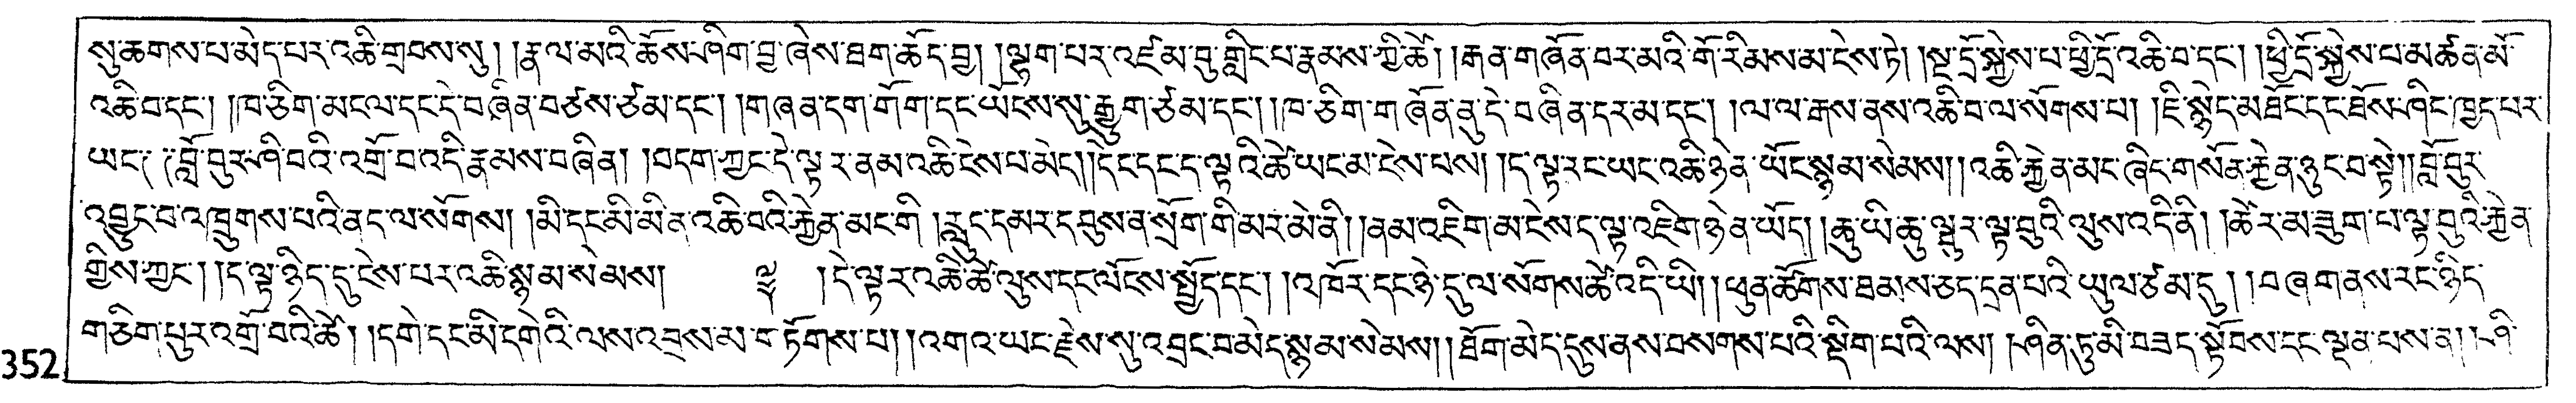སུ་ཆགས་པ་མེད་པར་འཆི་གྲབས་སུ། །རྣལ་མའི་ཆོས་ཤིག་བྱ་ཞེས་ཐག་ཆོད་བྱ། །ལྷག་པར་འཛམ་བུ་གླིང་པ་རྣམས་ཀྱི་ཚེ། །རྒན་གཞོན་བར་མའི་གོ་རིམས་མ་ངེས་ཏེ། །སྔ་དྲོ་སྐྱེས་པ་ཕྱི་དྲོ་འཆི་བ་དང་། །ཕྱི་དྲོ་སྐྱེས་པ་མཚན་མོ་
འཆི་བ་དང་། །ཁ་ཅིག་མངལ་དང་དེ་བཞིན་བཙས་ཙམ་དང་། །གཞན་དག་གོག་དང་ཡོངས་སུ་རྒྱུག་ཙམ་དང་། །ཁ་ཅིག་གཞོན་ནུ་དེ་བཞིན་དར་མ་དང་། །ལ་ལ་རྒས་ནས་འཆི་བ་ལ་སོགས་པ། །ཇི་སྙེད་མཐོང་དང་ཐོས་ཤིང་ཁྱད་པར་
ཡང་། །བློ་བུར་ཤི་བའི་འགྲོ་བ་འདི་རྣམས་བཞིན། །བདག་ཀྱང་དེ་ལྟར་ནམ་འཆི་ངེས་པ་མེད། །དེང་དང་ད་ལྟའི་ཚེ་ཡང་མ་ངེས་པས། །ད་ལྟ་རང་ཡང་འཆི་ཉེན་ཡོང་སྙམ་སེམས། །འཆི་རྐྱེན་མང་ཞིང་གསོན་རྐྱེན་ཉུང་བ་སྟེ། །བློ་བུར་
འབྱུང་བ་འཁྲུགས་པའི་ནད་ལ་སོགས། །མི་དང་མི་མིན་འཆི་བའི་རྐྱེན་མང་གི །རླུང་དམར་དབུས་ན་སྲོག་གི་མར་མེ་ནི། །ནམ་འཇིག་མ་ངེས་ད་ལྟ་འཇིག་ཉེན་ཡོད། །ཆུ་ཡི་ཆུ་ལྶྦུར་ལྟ་ལྦུར་ལཏ་བུའི་ལུས་འདི་ནི། །ཚེར་མ་ཟུག་པ་ལྟ་བུའི་རྐྱེན་
གྱིས་ཀྱང་། །ད་ལྟ་ཉིད་དུ་ངེས་པར་འཆི་སྙམ་སེམས། ༈ །དེ་ལྟར་འཆི་ཚེ་ལུས་དང་ལོངས་སྤྱོད་དང་། །འཁོར་དང་ཉེ་དུ་ལ་སོགས་ཚེ་འདི་ཡི། །ཕུན་ཚོགས་ཐམས་ཅད་དྲན་པའི་ཡུལ་ཙམ་དུ། །བཞག་ནས་རང་ཉིད་
གཅིག་པུར་འགྲོ་བའི་ཚེ། །དགེ་དང་མི་དགེའི་ལས་འབྲས་མ་གཏོགས་པ། །འགའ་ཡང་རྗེས་སུ་འབྲང་བ་མེད་སྙམ་སེམས། །ཐོག་མེད་དུས་ནས་བསགས་པའི་སྡིག་པའི་ལས། །ཤིན་ཏུ་མི་བཟད་སྟོབས་དང་ལྡན་པས་ན། །ཤི་